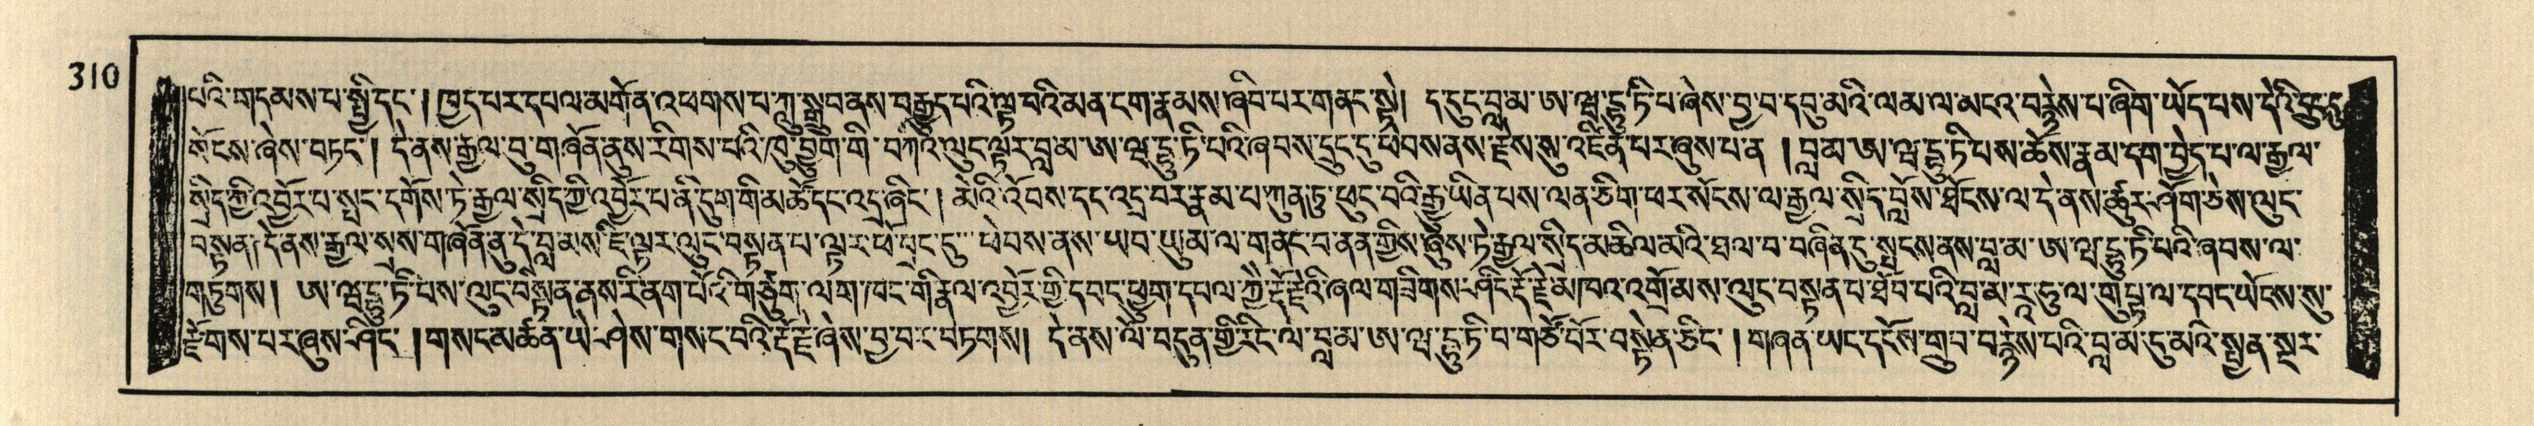པའི་གདམས་པ་སྤྱི་དང་། ཁྱད་པར་དཔལ་མགོན་འཕགས་པ་ཀླུ་སྒྲུབ་ནས་བརྒྱུད་པའི་ལྟ་བའི་མན་ངག་རྣམས་ཞིབ་པར་གནང་སྟེ། ད་དུང་བླ་མ་ཨ་ཝ་དྷུ་ཏི་པ་ཞེས་བྱ་བ་དབུ་མའི་ལམ་ལ་མངའ་བརྙེས་པ་ཞིག་ཡོད་པས་དེའི་དྲུང་དུ་
སོངས་ཞེས་བཏང་། དེ་ནས་རྒྱལ་བུ་གཞོན་ནུས་རིགས་པའི་ཁུ་བྱུག་གི་བཀའ་ལུང་ལྟར་བླ་མ་ཨ་ཝ་དྷུ་ཏི་པའི་ཞབས་དྲུང་དུ་ཕེབས་ནས་རྗེས་སུ་འཛིན་པར་ཞུས་པ་ན། །བླ་མ་ཨ་ཝ་དྷུ་ཏི་པས་ཆོས་རྣམ་དག་བྱེད་པ་ལ་རྒྱལ་
སྲིད་ཀྱི་འབྱོར་པ་སྤང་དགོས་ཏེ་རྒྱལ་སྲིད་ཀྱི་འབྱོར་པ་ནི་དུག་གི་མཚོ་དང་འདྲ་ཞིང་། མེའི་འོབས་དང་འདྲ་བར་རྣམ་པ་ཀུན་ཏུ་ཕུང་བའི་རྒྱུ་ཡིན་པས་ལན་ཅིག་ཕར་སོངས་ལ་རྒྱལ་སྲིད་བློས་ཐོངས་ལ་དེ་ནས་ཚུར་ཤོག་ཅེས་ལུང་
བསྟན༑ དེ་ནས་རྒྱལ་སྲས་གཞོན་ནུ་དེས་བླ་མས་ཇི་ལྟར་ལུང་བསྟན་པ་ལྟར་ཕོ་བྲང་དུ་ཕེབས་ནས་ཡབ་ཡུམ་ལ་གནང་བ་ནན་གྱིས་ཞུས་ཏེ་རྒྱལ་སྲིད་མཆིལ་མའི་ཐལ་བ་བཞིན་དུ་སྤངས་ནས་བླ་མ་ཨ་ཝ་དྷུ་ཏི་པའི་ཞབས་ལ་
གཏུགས། ཨ་ཝ་དྷུ་ཏི་པས་ལུང་བསྟན་ནས་རི་ནག་པོའི་གཙུག་ལག་ཁང་གི་རྣལ་འབྱོར་གྱི་དབང་ཕྱུག་དཔལ་ཀྱཻ་རྡོ་རྗེའི་ཞལ་གཟིགས་ཤིང་རྡོ་རྗེ་མཁའ་འགྲོ་མས་ལུང་བསྟན་པ་ཐོབ་པའི་བླ་མ་རཱ་ཧུ་ལ་གུཔྟ་ལ་དབང་ཡོངས་སུ་
རྫོགས་པར་ཞུས་ཤིང་།གསང་མཚན་ཡེ་ཤེས་གསང་བའི་རྡོ་རྗེ་ཞེས་བྱ་བར་བཏགས། དེ་ནས་ལོ་བདུན་གྱི་རིང་ལ་བླ་མ་ཨ་ཝ་དྷུ་ཏི་པ་གཙོ་བོར་བསྟེན་ཅིང་།གཞན་ཡང་དངོས་གྲུབ་བརྙེས་པའི་བླ་མ་དུ་མའི་སྤྱན་སྔར་